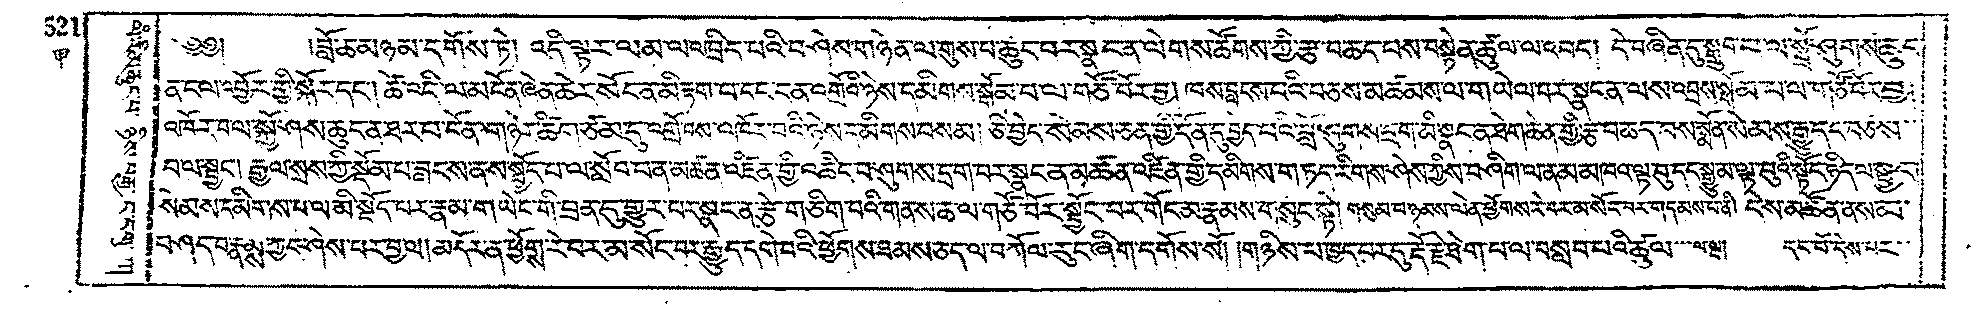༄༅། །བློ་ཆ་མཉམ་དགོས་ཏེ། འདི་ལྟར་ལམ་ལ་འཁྲིད་པའི་བཤེས་གཉེན་ལ་གུས་པ་ཆུང་བར་སྣང་ན་ལེགས་ཚོགས་ཀྱི་རྩ་བ་ཆད་པས་བསྟེན་ཚུལ་ལ་འབད། དེ་བཞིན་དུ་སྒྲུབ་པ་ལ་སྤྲོ་ཤུགས་ཆུང་
ན་ངལ་འབྱོར་གྱི་སྐོར་དང་། ཚེ་འདི་ལ་མངོན་ཞེན་ཆེར་སོང་ན་མི་རྟག་པ་དང་ངན་འགྲོའི་ཉེས་དམིགས་སྒོམ་པ་ལ་གཙོ་བོར་བྱ། ཁས་བླངས་པའི་བཅས་མཚམས་ལ་གཡེལ་བར་སྣང་ན་ལས་འབྲས་སྒོམ་པ་ལ་གཙོ་བོར་བྱ།
འཁོར་བ་ལ་སྐྱོ་ཤས་ཆུང་ན་ཐར་པ་དོན་གཉེར་ཚིག་ཙམ་དུ་འགྲོ་བས་འཁོར་བའི་ཉེས་དམིགས་བསམ། ཅི་བྱེད་སེམས་ཅན་གྱི་དོན་དུ་བྱེད་པའི་བློ་ཤུགས་དྲག་མི་སྣང་ན་ཐེག་ཆེན་གྱི་རྩ་བ་ཆད་བས་སྨོན་སེམས་རྒྱུ་དང་བཅས་
པ་ལ་སྦྱང་། རྒྱལ་སྲས་ཀྱི་སྡོམ་པ་བླངས་ནས་སྤྱོད་པ་ལ་སློབ་པ་ན་མཚན་འཛིན་གྱི་འཆིང་བ་ཤུགས་དྲག་པར་སྣང་ན་མཚན་འཛིན་གྱི་དམིགས་གཏད་རིགས་ཤེས་ཀྱིས་བཤིག་ལ་ནམ་མཁའ་ལྟ་བུ་དང་སྒྱུ་མ་ལྟ་བུའི་སྟོང་ཉིད་ལ་སྤྱང་།
སེམས་དམིགས་པ་ལ་མི་སྡོད་པར་རྣམ་གཡེང་གི་བྲན་དུ་གྱུར་པར་སྣང་ན་རྩེ་གཅིག་བའི་གནས་ཆ་ལ་གཙོ་བོར་སྦྱོང་བར་གོང་མ་རྣམས་གསུང་སྟེ། གསུམ་པ་ཉམས་ལེན་ཕྱོགས་རེ་བར་མ་སོང་བར་གདམས་པ་ནི།  དེས་མཚོན་ནས་མ་
བཤད་པ་རྣམས་ཀྱང་ཤེས་པར་བྱ་ལ། མདོར་ན་ཕྱོགས་རེ་བར་མ་སོང་བར་རྒྱུད་དགེ་བའི་ཕྱོགས་ཐམས་ཅད་ལ་བཀོལ་རུང་ཞིག་དགོས་སོ། །གཉིས་པ་ཁྱད་པར་དུ་རྡོ་རྗེ་ཐེག་པ་ལ་བསླབ་པའི་ཚུལླ་ལྔ། དང་པོ་དེས་པར་